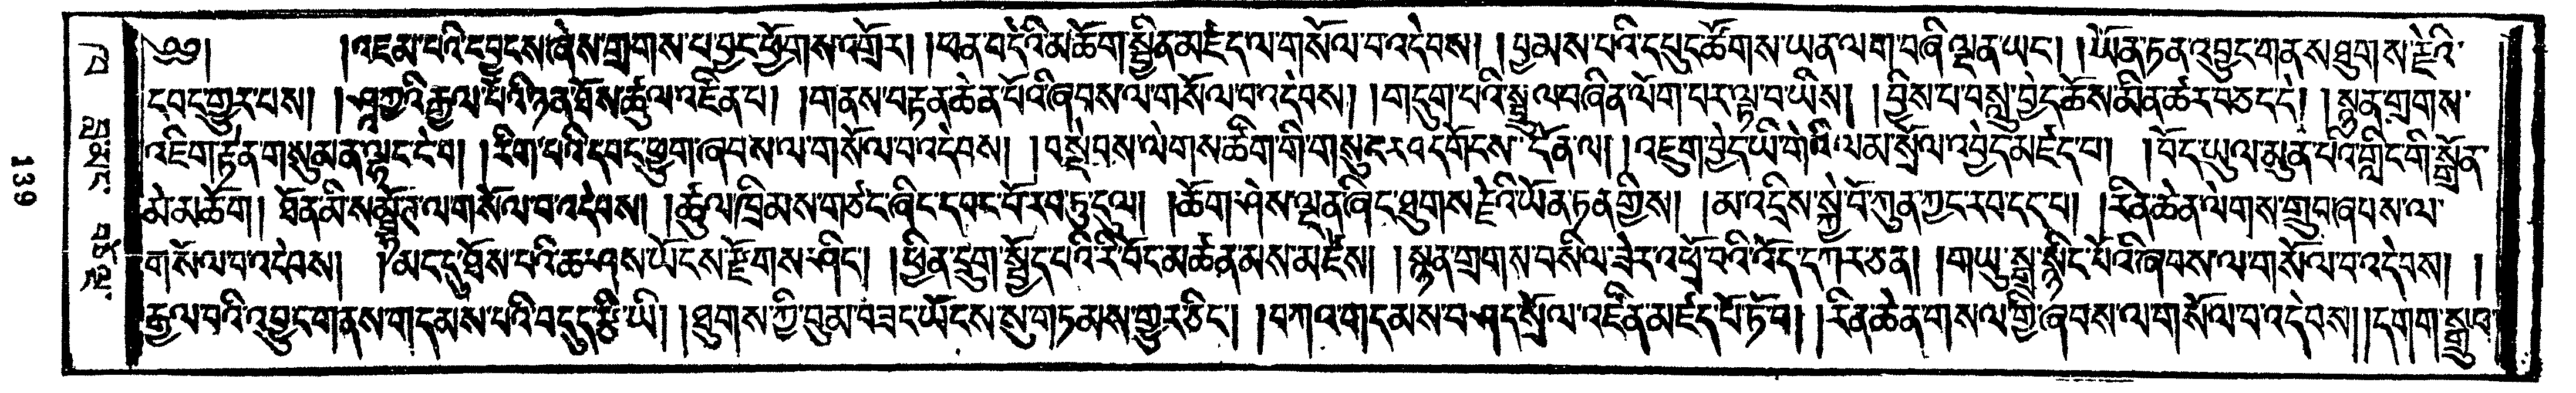༄༅། །འཇམ་པའི་དབྱངས་ཞེས་གྲགས་པ་བྱང་ཕྱོགས་འགྲོར། །ཕན་བདེའི་མཆོག་སྦྱིན་མཛད་ལ་གསོལ་བ་འདེབས། །བྱམས་པའི་དཔུང་ཚོགས་ཡན་ལག་བཞི་ལྡན་ཡང་། །ཡོན་ཏན་འབྱུང་གནས་ཐུགས་རྗེའི་
དབང་གྱུར་པས། །ཤཱཀྱའི་རྒྱལ་པོའི་ཉན་ཐོས་ཚུལ་འཛིན་པ། །གནས་བརྟན་ཆེན་པོའི་ཞབས་ལ་གསོལ་བ་འདེབས། །གདུག་པའི་སྤྲུལ་བཞིན་ལོག་པར་ལྟ་བ་ཡིས། །བྱིས་པ་བསླུ་བྱེད་ཆོས་མིན་ཚར་བཅད་དེ། །སྙན་གྲགས་
འཇིག་རྟེན་གསུམ་ན་ལྷང་ངེ་བ། །རིག་པའི་དབང་ཕྱུག་ཞབས་ལ་གསོལ་བ་འདེབས། །བསྡེབས་ལེགས་ཚིག་གི་གསུང་རབ་དགོངས་དོན་ལ། །འཇུག་བྱེད་ཡི་གེའི་ལམ་སྲོལ་འབྱེད་མཛད་པ། །བོད་ཡུལ་མུན་པའི་གླིང་གི་སྒྲོན་
མེ་མཆོག། ཐོན་མི་སམྦྷོ་ཊ་ལ་གསོལ་བ་འདེབས། །ཚུལ་ཁྲིམས་གཙང་ཞིང་དབང་པོ་རབ་ཏུ་དུལ། །ཆོག་ཤེས་ལྡན་ཞིང་ཐུགས་རྗེའི་ཡོན་ཏན་གྱིས། །མ་འདྲིས་སྐྱེ་བོ་ཀུན་ཀྱང་རབ་དང་པ། །རིན་ཆེན་ལེགས་གྲུབ་ཞབས་ལ་
གསོལ་བ་འདེབས། །མང་དུ་ཐོས་པའི་ཆ་ཤས་ཡོངས་རྫོགས་ཤིང་། །ཕྱིན་དྲུག་སྤྱོད་པའི་རི་བོང་མཚན་མས་མཛེས། །སྙན་གྲགས་བསིལ་ཟེར་འཕྲོ་བའི་འོད་དཀར་ཅན། །གཡུ་སྒྲ་སྙིང་པོའི་ཞབས་ལ་གསོལ་བ་འདེབས། །
རྒྱལ་བའི་འབྱུང་གནས་གདམས་པའི་བདུད་རྩི་ཡི། །ཐུགས་ཀྱི་བུམ་བཟང་ཡོངས་སུ་གཏམས་གྱུར་ཅིང་། །བཀའ་གདམས་བཤད་སྲོལ་འཛིན་མཛད་པོ་ཏོ་བ། །རིན་ཆེན་གསལ་གྱི་ཞབས་ལ་གསོལ་བ་འདེབས། །དགག་སྒྲུབ་